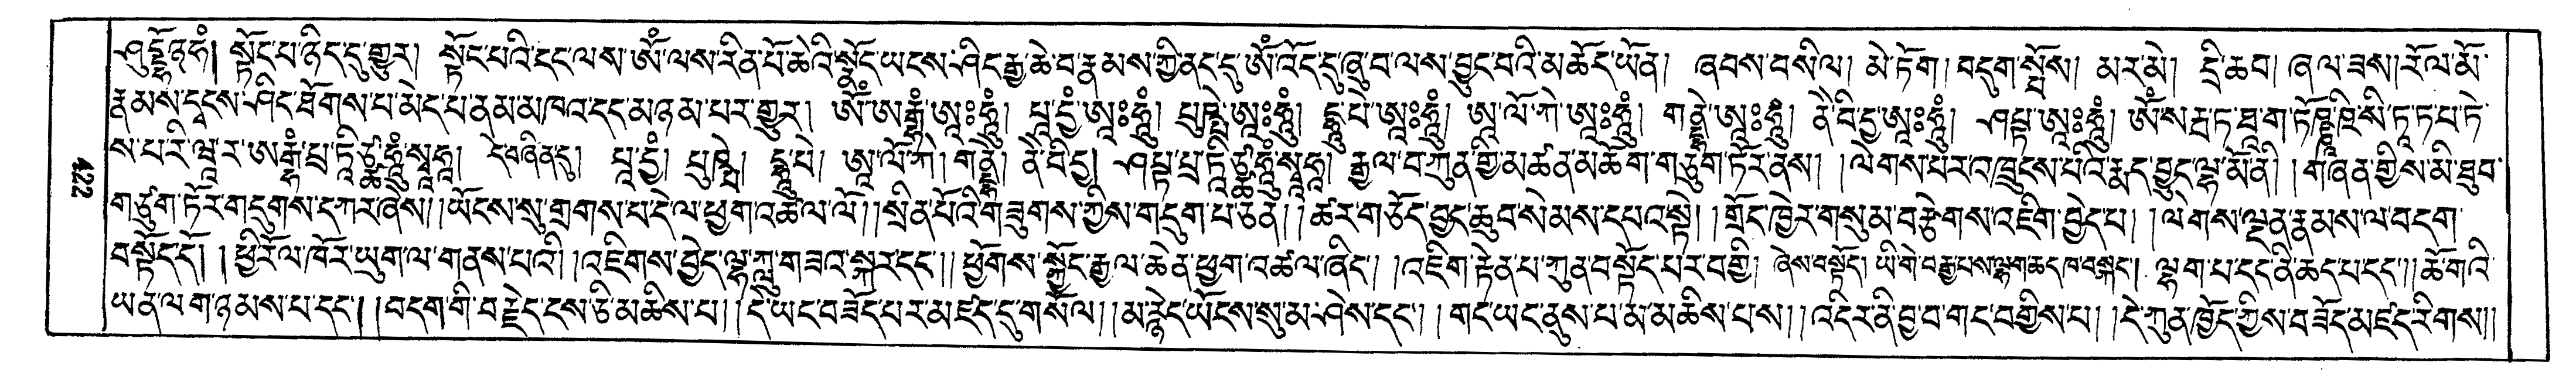ཤུདྡྷོཉཧཾ། སྟོང་པ་ཉིད་དུ་གྱུར། སྟོང་པའི་ངང་ལས་ཨོཾ་ལས་རིན་པོ་ཆེའི་སྣོད་ཡངས་ཤིང་རྒྱ་ཆེ་བ་རྣམས་ཀྱི་ནང་དུ་ཨོཾ་འོད་དུ་ཞུ་བ་ལས་བྱུང་བའི་མཆོད་ཡོན། ཞབས་བསིལ། མེ་ཏོག །བདུག་སྤོས། མར་མེ། དྲི་ཆབ། ཞལ་ཟས། རོལ་མོ་
རྣམས་དྭངས་ཤིང་ཐོགས་པ་མེད་པ་ནམ་མཁའ་དང་མཉམ་པར་གྱུར། ཨོཾ་ཨརྒྷཾ་ཨཱཿཧཱུཾ། པཱ་དྱཾཨཱཿཧཱུཾ། པུཥྤེ་ཨཱཿཧཱུཾ། དྷཱུ་པེ་ཨཱཿཧཱུཾ། ཨཱ་ལོ་ཀེ་ཨཱཿཧཱུཾ། གནྡྷེ་ཨཱཿཧཱུཾ། ནཻ་བི་དྱ་ཨཱཿཧཱུཾ། ཤཔྟ་ཨཱཿཧཱུཾ། ཨོཾ་སརྦ་ཏ་ཐཱ་ག་ཏོཥྟཱ་ཥི་སི་ཏཱ་ཏ་པ་ཏྲེ་
ས་པ་རི་ཝཱ་ར་ཨརྒྷཾ་པྲ་ཏཱིཙྪ་ཧཱུཾ་སྭཱཧཱ། དེ་བཞིན་དུ།  བཱ་དྱཾ། པུཥྤེ། དྷཱུ་པེ། ཨཱ་ལོ་ཀེ །གནྡྷེ། ནཻ་བི་དྱ། ཤཔྟ་པྲ་ཏཱིཙྪ་ཧཱུཾ་སྭཱཧཱ། རྒྱལ་བ་ཀུན་གྱི་མཚན་མཆོག་གཙུག་ཏོར་ནས། །ལེགས་པར་འཁྲུངས་པའི་རྨད་བྱུང་ལྷ་མོ་ནི། །གཞན་གྱིས་མི་ཐུབ་
གཙུག་ཏོར་གདུགས་དཀར་ཞེས། །ཡོངས་སུ་གྲགས་པ་དེ་ལ་ཕྱག་འཚལ་ལོ། །སྲིན་པོའི་གཟུགས་ཀྱིས་གདུག་པ་ཅན། །ཚར་གཅོད་བྱང་ཆུབ་སེམས་དཔའ་སྟེ། །གྲོང་ཁྱེར་གསུམ་བརྩེགས་འཇིག་བྱེད་པ། །ལེགས་ལྡན་རྣམས་ལ་བདག་
བསྟོད་དོ། །ཕྱི་རོལ་ཁོར་ཡུག་ལ་གནས་པའི། །འཇིགས་བྱེད་ལྷ་ཀླུ་གཟའ་སྐར་དང་། །ཕྱོགས་སྐྱོང་རྒྱལ་ཆེན་ཕྱག་འཚལ་ཞིང་། །འཇིག་རྟེན་པ་ཀུན་བསྟོད་པར་བགྱི། ཞེས་བསྟོད། ཡི་གེ་བརྒྱ་པས་ལྷག་ཆད་ཁ་བསྐང་།  ལྷག་པ་དང་ནི་ཆད་པ་དང་། །ཆོ་གའི་
ཡན་ལག་ཉམས་པ་དང་། །བདག་གི་བརྗེད་ངས་ཅི་མཆིས་པ། །དེ་ཡང་བཟོད་པར་མཛད་དུ་གསོལ། །མ་རྙེད་ཡོངས་སུ་མ་ཤེས་དང་། །གང་ཡང་ནུས་པ་མ་མཆིས་པས། །འདིར་ནི་བྱ་བ་གང་བགྱིས་པ། །དེ་ཀུན་ཁྱོད་ཀྱིས་བཟོད་མཛད་རིགས།།